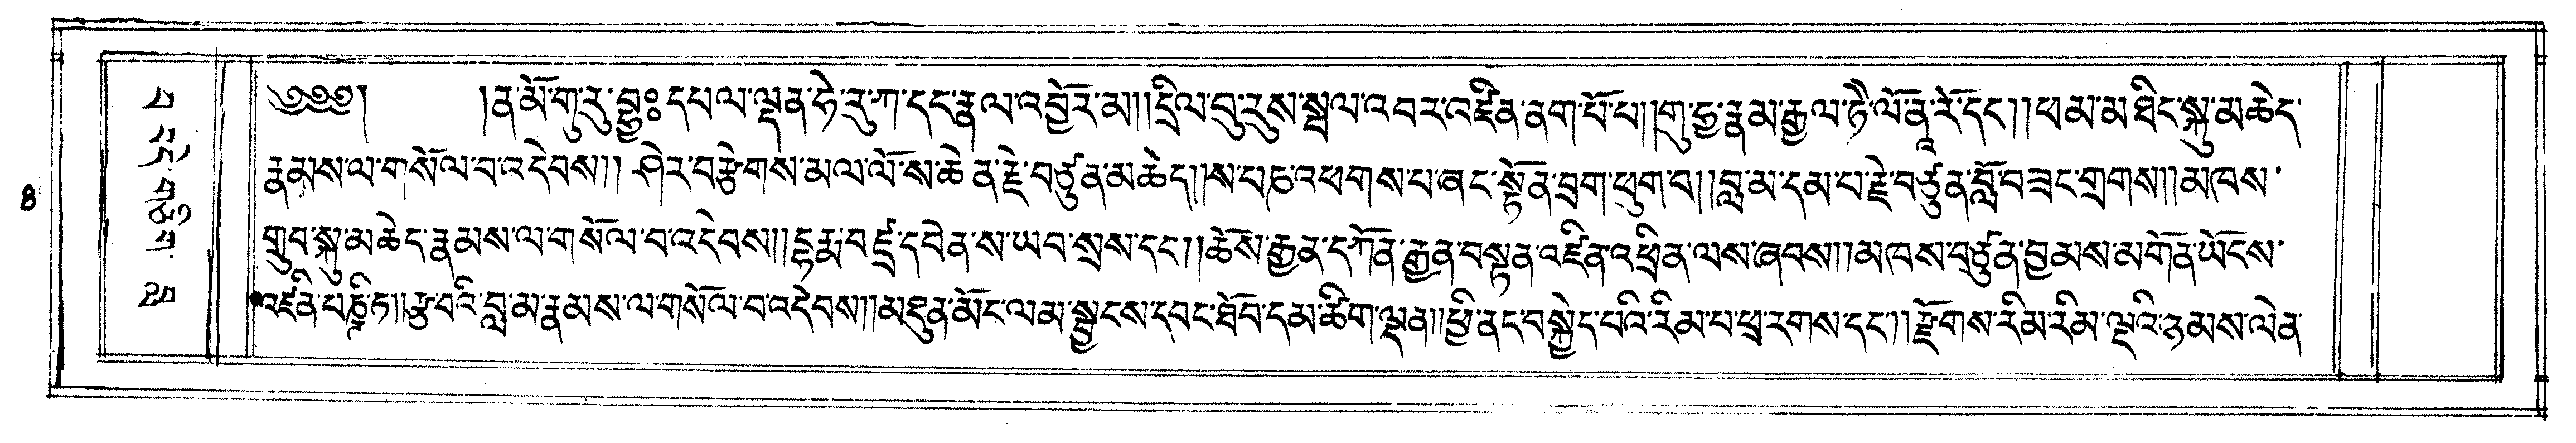༄༅༅། །ན་མོ་གུ་རུ་བྷྱཿ དཔལ་ལྡན་ཧེ་རུ་ཀ་དང་རྣལ་འབྱོར་མ། །དྲིལ་བུ་རུས་སྦལ་འབར་འཛིན་ནག་པོ་པ། །གུ་ཧྱ་རྣམ་རྒྱལ་ཏཻ་ལོ་ནཱ་རོ་དང་། །ཕམ་མཐིང་སྐུ་མཆེད་
རྣམས་ལ་གསོལ་བ་འདེབས། །ཤེར་བརྩེགས་མལ་ལོ་ས་ཆེན་རྗེ་བཙུན་མཆེད། །ས་པཎ་འཕགས་པ་ཞང་སྟོན་བྲག་ཕུག་བ། །བླ་མ་དམ་པ་རྗེ་བཙུན་བློ་བཟང་གྲགས། །མཁས་
གྲུབ་སྐུ་མཆེད་རྣམས་ལ་གསོལ་བ་འདེབས། །དྷརྨ་བཛྲ་དབེན་ས་ཡབ་སྲས་དང་། །ཆོས་རྒྱན་དཀོན་རྒྱན་བསྟན་འཛིན་འཕྲིན་ལས་ཞབས། །མཁས་བཙུན་བྱམས་མགོན་ཡོངས་
འཛིན་པཎྜི་ཏ། །རྩ་བའི་བླ་མ་རྣམས་ལ་གསོལ་བ་འདེབས། །མཐུན་མོང་ལམ་སྦྱངས་དབང་ཐོབ་དམ་ཚིག་ལྡན། །ཕྱི་ནང་བསྐྱེད་པའི་རིམ་པ་ཕྲ་རགས་དང་། །རྫོགས་རིམ་རིམ་ལྔའི་ཉམས་ལེན་